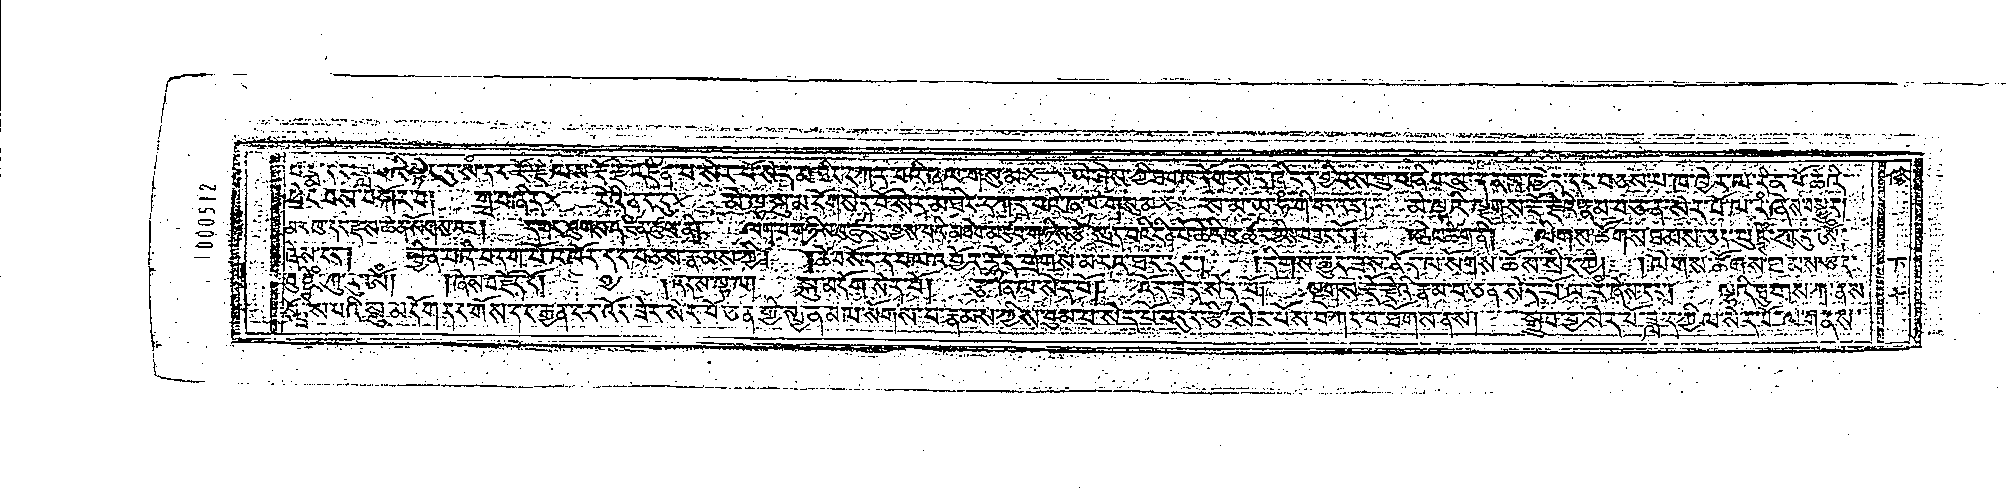པདམ་དང་ཟླ་བའི་སྟེང་དུ་ས་དང་རྡོ་རྗེ་ལས་རྡོ་རྗེ་འཛིན་པ་སེར་པོ་སེར་མཐིང་དཀར་བའི་ཞལ་གསུམ་྾་ཡེ་ཤེས་ཀྱི་ཐབ་ཁ་དོག་སེར་ཞིང་དབྱིབས་གྲུ་བཞི་པ་མུ་རན་ཁ་ཁྱེར་དང་བཅས་པ་ཁ་ཁྱེར་ལ་རིན་པོ་ཆེའི་
ཕྲེང་བས་བསྐོར་བ། གྲྭ་བཞིར་྾་དེའི་ནང་དུ་྾་མེ་ལྷ་སྐུ་མདོག་སེར་པོ་སེར་མཐིང་དཀར་བའི་ཞལ་གསུམ་྾་ས་མ་ཡ་ཧཾ་གི་བར་འདྲ། མེ་ལྷའི་ལྗགས་རྡོ་རྗེའི་རྣམ་པ་ཅན་སེར་པོ་ལ་རཾ་ཞེས་བསྒྱུར།
མར་ཁུ་དང་རྫས་ཆེན་སོགས་འདྲ། དགང་བླུགས་འཛིན་ཚུལ་ནི། ལག་པ་གཉིས་ཁུ་ཚུར་དུ་བྱས་པའི་མཐེབ་མཛུབ་གཉིས་རྩེ་སྤྲད་པའི་རིན་པོ་ཆེའི་ཁུ་ཚུང་བྱིས་བཟུང་ངོ། །སྤེལ་ཚིག་ནི། ལེགས་ཚོགས་ཐམས་ཅད་པུཥྚིཾ་ཀུ་རུ་ཨོཾ།
ཞེས་དང་། སྦྱིན་པའི་བདག་པོ་འཁོར་དང་བཅས་རྣམས་ཀྱི། །ཚེ་བསོད་དཔལ་འབྱོར་རྙེད་གྲགས་མངའ་ཐང་དང་། །རིགས་རྒྱུད་ཟས་ནོར་ལ་སོགས་ཆོས་སྲིང་ཀྱི། །ལེགས་ཚོགས་ཐམས་ཅད་
བུཥྚིཾ་ཀུ་རུ་ཨོཾ། །ཞེས་བརྗོད་དོ། ༧་།འདས་ལྷ་ལ། སྐུ་མདོག་སེར་པོ། རྩ་ཞལ་སེར་པོ། འོད་ཟེར་སེར་པོ། ལྗགས་རྡོ་རྗེའི་རྣམ་པ་ཅན་སེར་པོ་ལ་རཾ་ཞེས་དང་། ལྷའི་ཐུགས་ཀ་ནས་
སྤྲོས་པའི་སྐུ་མདོག་དང་གོས་དང་རྒྱན་དང་འོད་ཟེར་སེར་པོ་ཅན་གྱི་སྤྱན་མ་ལ་སོགས་པ་རྣམས་ཀྱིས་བུམ་པ་སེར་པོ་བདུད་རྩི་སེར་པོས་བཀང་བ་ཐོགས་ནས། སྒྲུབ་བྱ་སེར་པོ་ཟླ་དཀྱིལ་སེར་པོ་ལ་གནས་